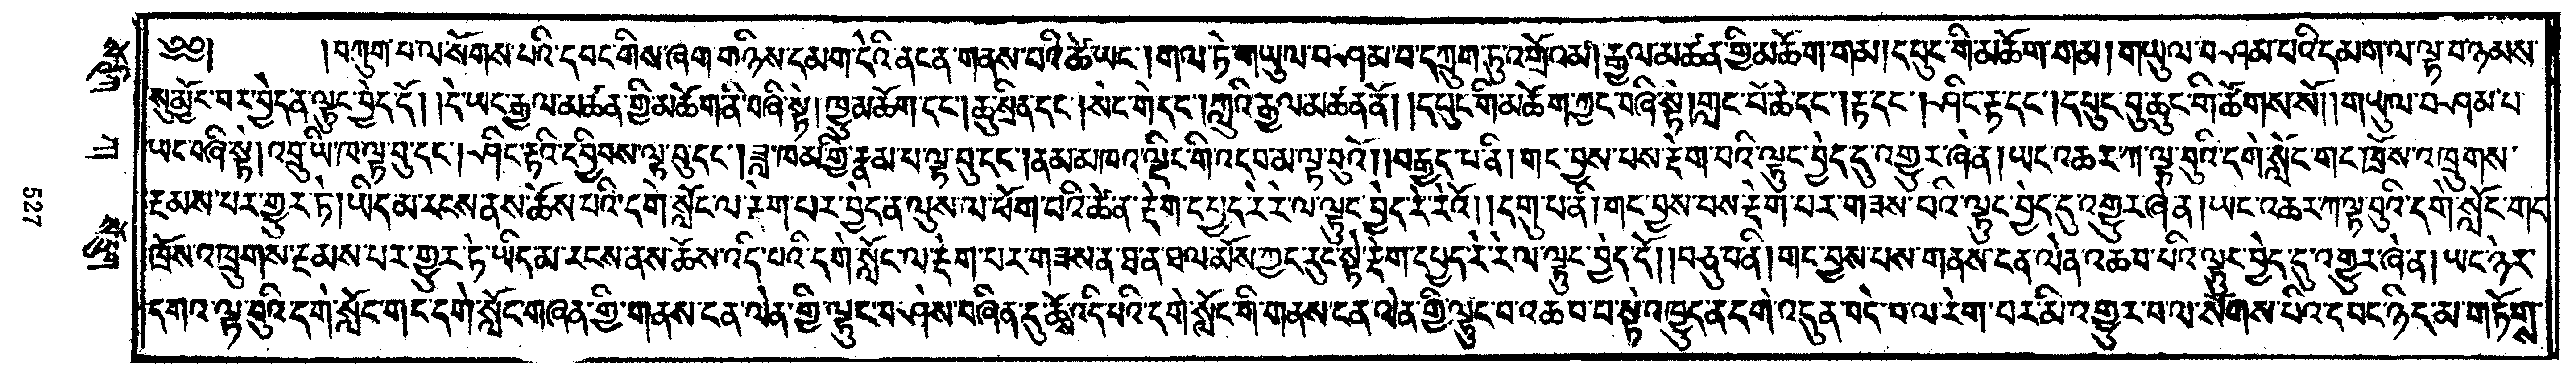༄༅། །བཀུག་པ་ལ་སོགས་པའི་དབང་གིས་ཞག་གཉིས་དམག་དེའི་ནང་ན་གནས་པའི་ཚེ་ཡང་། གལ་ཏེ་གཡུལ་བཤམ་བ་དཀྲུག་ཏུ་འགྲོའམ། རྒྱལ་མཚན་གྱི་མཆོག་གམ། དཔུང་གི་མཆོག་གམ། གཡུལ་བཤམ་པའི་དམག་ལ་ལྟ་བ་ཉམས་
སུ་མྱོང་བར་བྱེད་ན་ལྟུང་བྱེད་དོ། །དེ་ཡང་རྒྱལ་མཚན་གྱི་མཆོག་ནི་བཞི་སྟེ། ཁྱུ་མཆོག་དང་། ཆུ་སྲིན་དང་། སེང་གེ་དང་། ཀླུའི་རྒྱལ་མཚན་ནོ། །དཔུང་གི་མཆོག་ཀྱང་བཞི་སྟེ། གླང་པོ་ཆེ་དང་། རྟ་དང་། ཤིང་རྟ་དང་། དཔུང་བུ་ཆུང་གི་ཚོགས་སོ། །གཡུལ་བཤམ་པ་
ཡང་བཞི་སྟེ། འབྲུ་ཡི་ཁ་ལྟ་བུ་དང་། ཤིང་རྟའི་དབྱིབས་ལྟ་བུ་དང་། ཟླ་ཁམ་གྱི་རྣམ་པ་ལྟ་བུ་དང་། ནམ་མཁའ་ལྡིང་གི་འདབ་མ་ལྟ་བུའོ། །བརྒྱད་པ་ནི། གང་བྱས་པས་རྡེག་པའི་ལྟུང་བྱེད་དུ་འགྱུར་ཞེ་ན། ཡང་འཆར་ཀ་ལྟ་བུའི་དགེ་སློང་གང་ཁྲོས་འཁྲུགས་
རྔམས་པར་གྱུར་ཏེ། ཡིད་མ་རངས་ནས་ཆོས་པའི་དགེ་སློང་ལ་རྡེག་པར་བྱེད་ན་ལུས་ལ་ཕོག་པའི་ཚེ་ན་རྡེག་དཔྱད་རེ་རེ་ལ་ལྟུང་བྱེད་རེ་རེའོ། །དགུ་པ་ནི། གང་བྱས་པས་རྡེག་པར་གཟས་བའི་ལྟུང་བྱེད་དུ་འགྱུར་ཞེན། ཡང་འཆར་ཀ་ལྟ་བུའི་དགེ་སློང་གང་ཁྲོས་འཁྲུགས་
ཁྲོས་འཁྲུགས་རྔམས་པར་གྱུར་ཏེ་ཡིད་མ་རངས་ནས་ཆོས་འདི་པའི་དགེ་སློང་ལ་རྡེག་པར་གཟས་ན་ཐ་ན་ཐལ་མོས་ཀྱང་རུང་སྟེ་རྡེག་དཔྱད་རེ་རེ་ལ་ལྟུང་བྱེད་དོ། །བཅུ་པ་ནི། གང་བྱས་པས་གནས་ངན་ལེན་འཆབ་པའི་ལྟུང་བྱེད་དུ་འགྱུར་ཞེ་ན། ཡང་ཉེར་
དགའ་ལྟ་བུའི་དགེ་སློང་གང་དགེ་སློང་གཞན་གྱི་གནས་ངན་ལེན་གྱི་ལྟུང་བཤེས་བཞིན་དུ་ཆོས་འདི་པའི་དགེ་སློང་གི་གནས་ངན་ལེན་གྱི་ལྟུང་བ་འཆབ་པ་སྟེ་འཁྱུད་ན་དགེ་འདུན་བདེ་བ་ལ་རེག་པར་མི་འགྱུར་བ་ལ་སོགས་པའི་དབང་ཉིད་མ་གཏོགས་